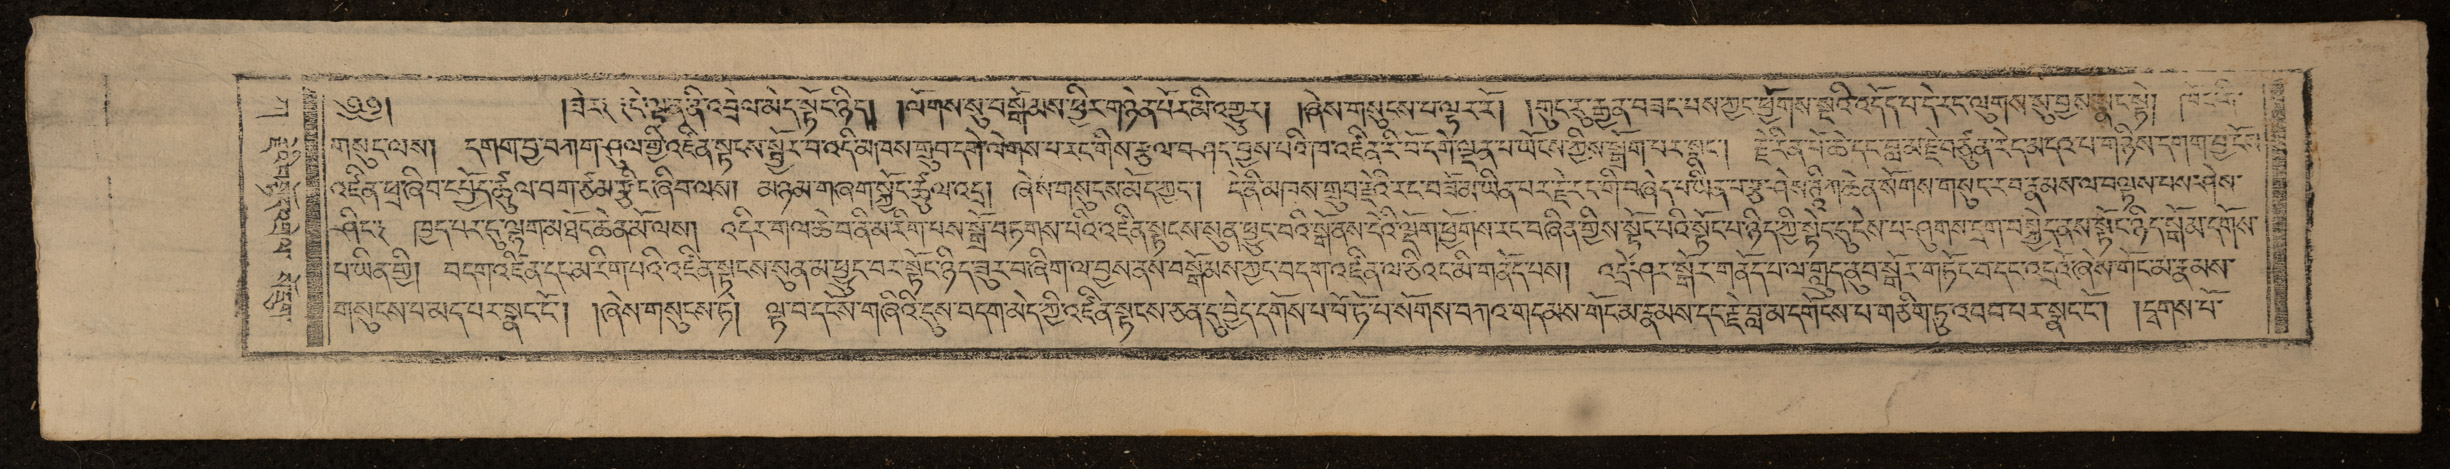༄༅། །ཟེར༑ ༑དེ་ལྟ་ན་ནི་འབྲེལ་མེད་སྟོང་ཉིད། །ལོགས་སུ་བསྒོམས་ཕྱིར་གཉེན་པོར་མི་འགྱུར། །ཞེས་གསུངས་པ་ལྟར་རོ། །གུང་རུ་རྒྱན་བཟང་བས་ཀྱང་ཕྱོགས་སྔའི་འདོད་པ་དེ་རང་ལུགས་སུ་བྱས་སྣང་སྟེ། ཁོང་གི་
གསུང་ལས། དགག་བྱ་བཀག་ཤུལ་གྱི་འཛིན་སྟངས་སྦྱོར་བ་འདི་མཁས་གྲུབ་དགེ་ལེགས་པ་རང་གིས་རྩལ་བཤད་བྱས་པའི་ཁ་འཛིན་རི་བོ་དགེ་ལྡན་པ་ཡོངས་ཀྱིས་སྒྲོག་པར་སྣང་། རྗེ་རིན་པོ་ཆེ་དང་བླ་མ་རྗེ་བཙུན་རེད་མདའ་བ་གཉིས་དགག་བྱ་ངོས་
འཛིན་ཕྲ་ཞིབ་དཔྱོད་ཚུལ་བག་ཙམ་རྩིང་ཞིབ་ལས། མཉམ་གཞག་སྐྱོང་ཚུལ་འདྲ། ཞེས་གསུངས་མོད་ཀྱང་། དེ་ནི་མཁས་གྲུབ་རྗེའི་རང་བཟོམ་ཡིན་པར་རྗེ་རང་གི་བཞེད་པ་ཡིན་བརྩ་ཤེས་ཊཱིཀ་ཆེན་སོགས་གསུང་རབ་རྣམས་ལ་བལྟས་པས་ཤེས་
ཤིང༑ ཁྱད་པར་དུ་ལྷག་མཐོང་ཆེན་མོ་ལས། འདིར་གལ་ཆེ་བ་ནི་མ་རིག་པས་སྒྲོ་བཏགས་པའི་འཛིན་སྟངས་སུན་ཕྱུང་བའི་སྒོ་ནས་དེའི་ལྡོག་ཕྱོགས་རང་བཞིན་གྱིས་སྟོང་བའི་སྟོང་པ་ཉིད་ཀྱི་སྟེང་དུ་ངེས་པ་ཤུགས་དྲག་བསྐྱེད་ནས་སྟོང་ཉིད་སྒོམ་དགོས་
བ་ཡིན་གྱི། བདག་འཛིན་དང་མ་རིག་པའི་འཛིན་སྟངས་སུན་མ་ཕྱུང་བར་སྟོང་ཉིད་ཟུར་བ་ཞིག་ལ་བྱས་ནས་བསྒོམས་ཀྱང་བདག་འཛིན་ལ་ཅིའང་མི་གནོད་པས། འདྲེ་ཤར་སྒོར་གནོད་པ་ལ་གླུད་ནུབ་སྒོར་གཏོང་བ་དང་འདྲའོ་ཞེས་གོང་མ་རྣམས་
གསུངས་པ་མད་པར་སྣང་ངོ། །ཞེས་གསུངས་ཏེ། ལྟ་བ་དངོས་གཞིའི་དུས་བདག་མེད་ཀྱི་འཛིན་སྟངས་ཅན་དུ་བྱེད་དགོས་པ་བོ་ཏོ་བ་སོགས་བཀའ་གདམས་གོང་མ་རྣམས་དང་རྗེ་བླ་མ་དགོངས་པ་གཅིག་ཏུ་འབབ་བར་སྣང་ངོ། །དྭགས་པོ་